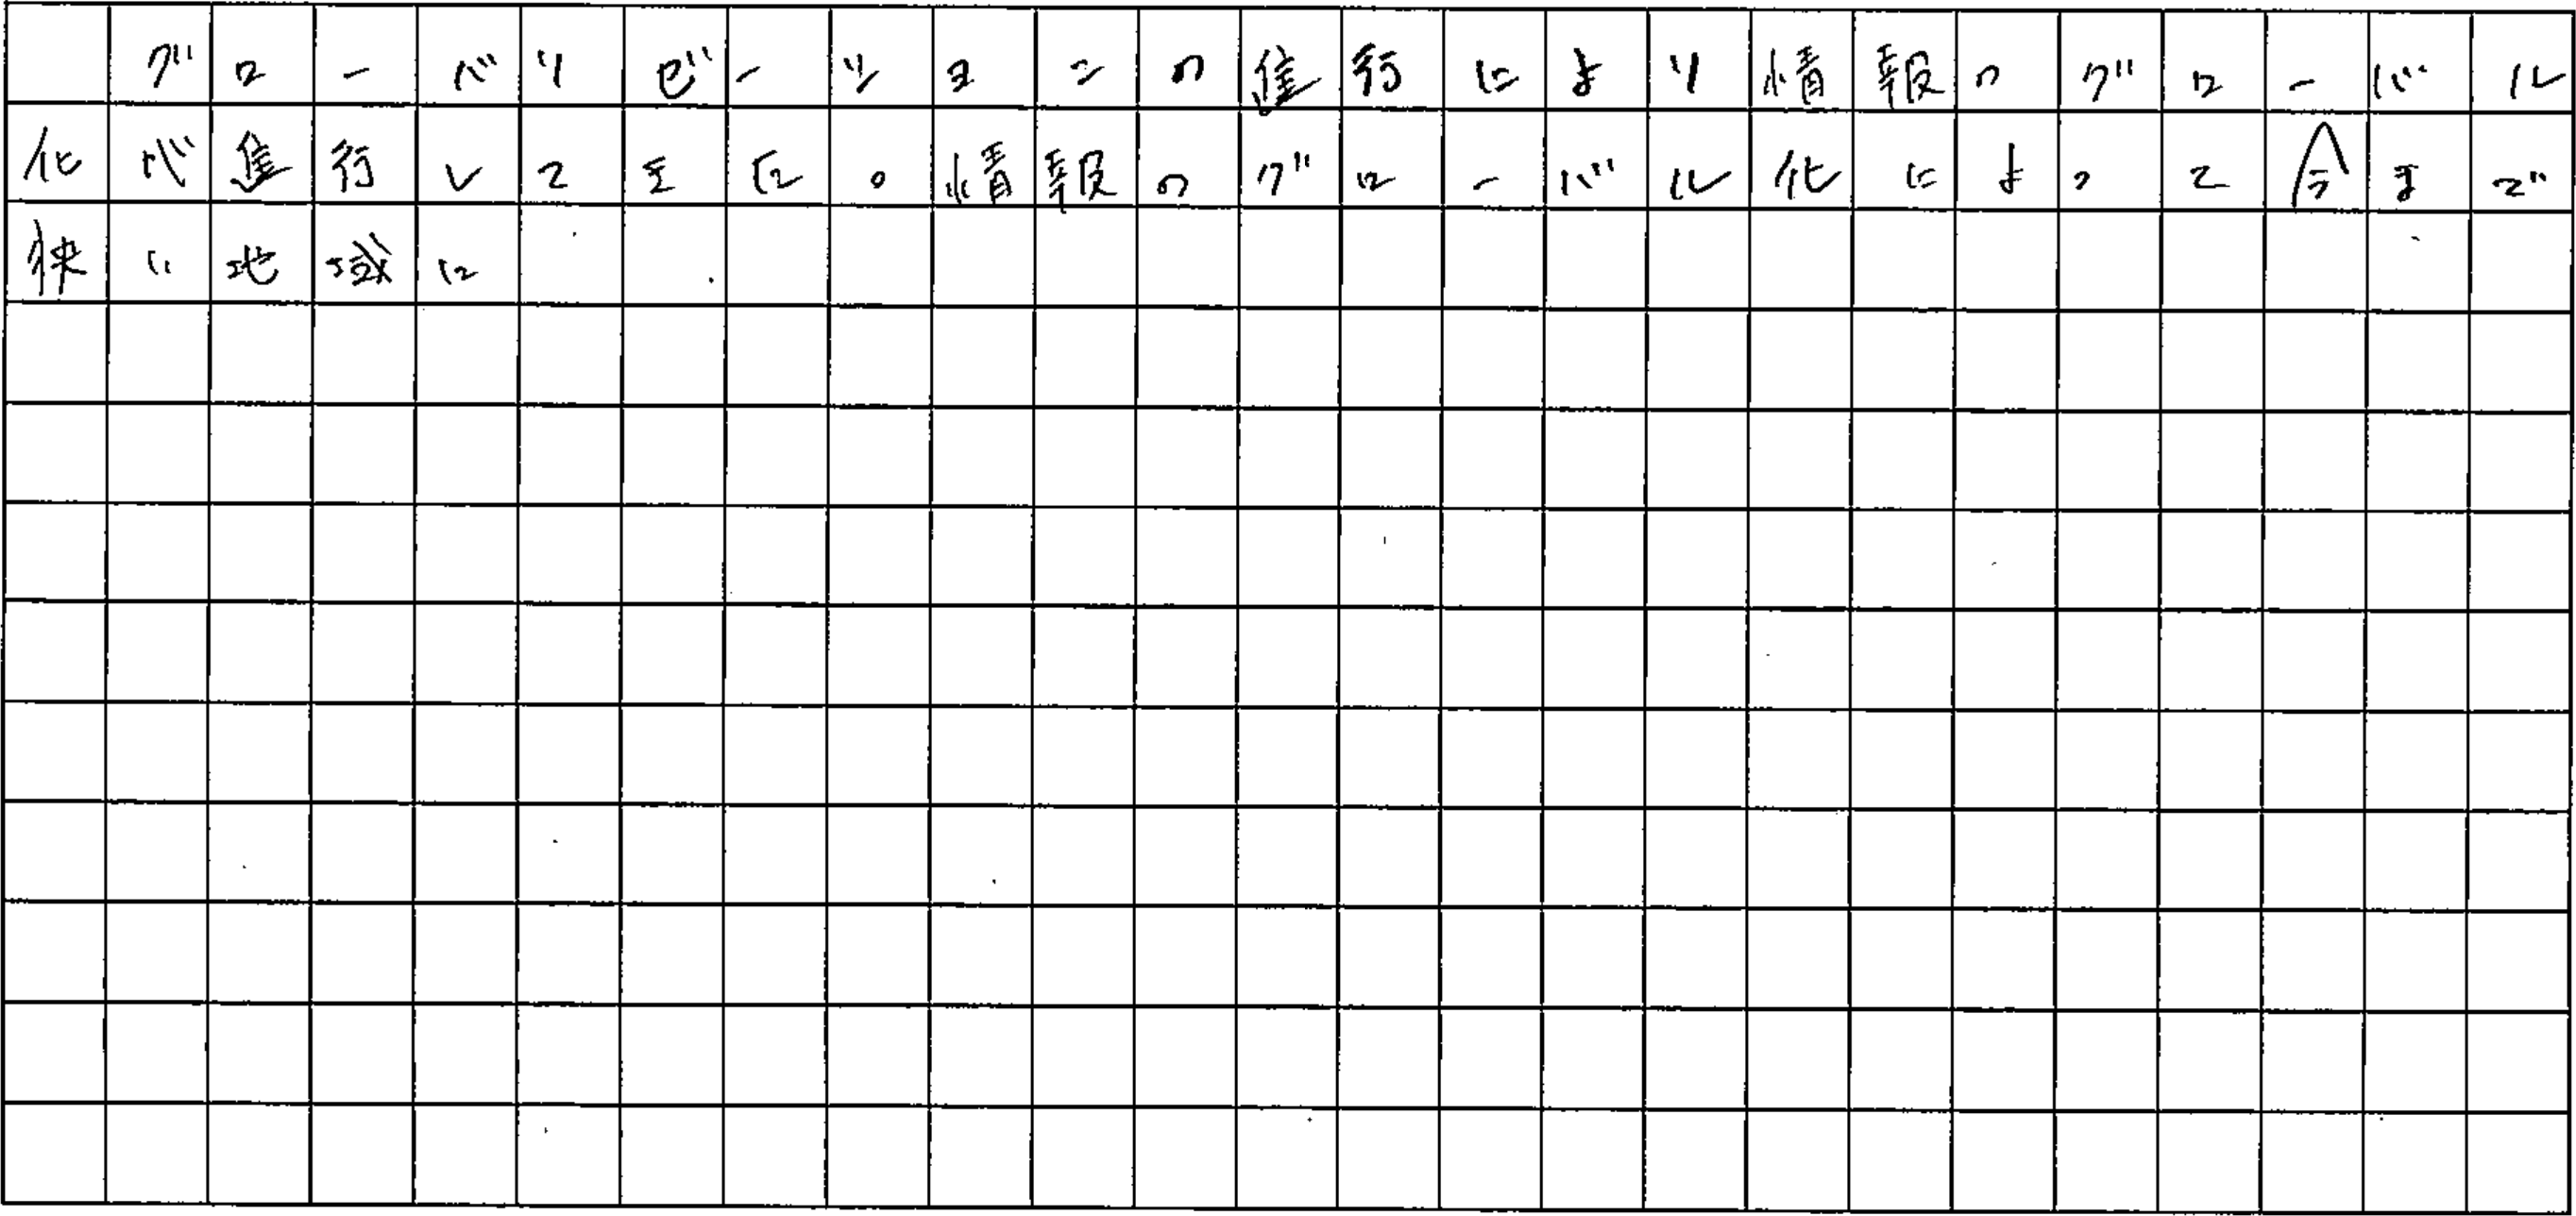　グローバリゼーションの進行により情報のグローバル化が進行してきた。情報のグローバル化によって今まで狭い地域に
